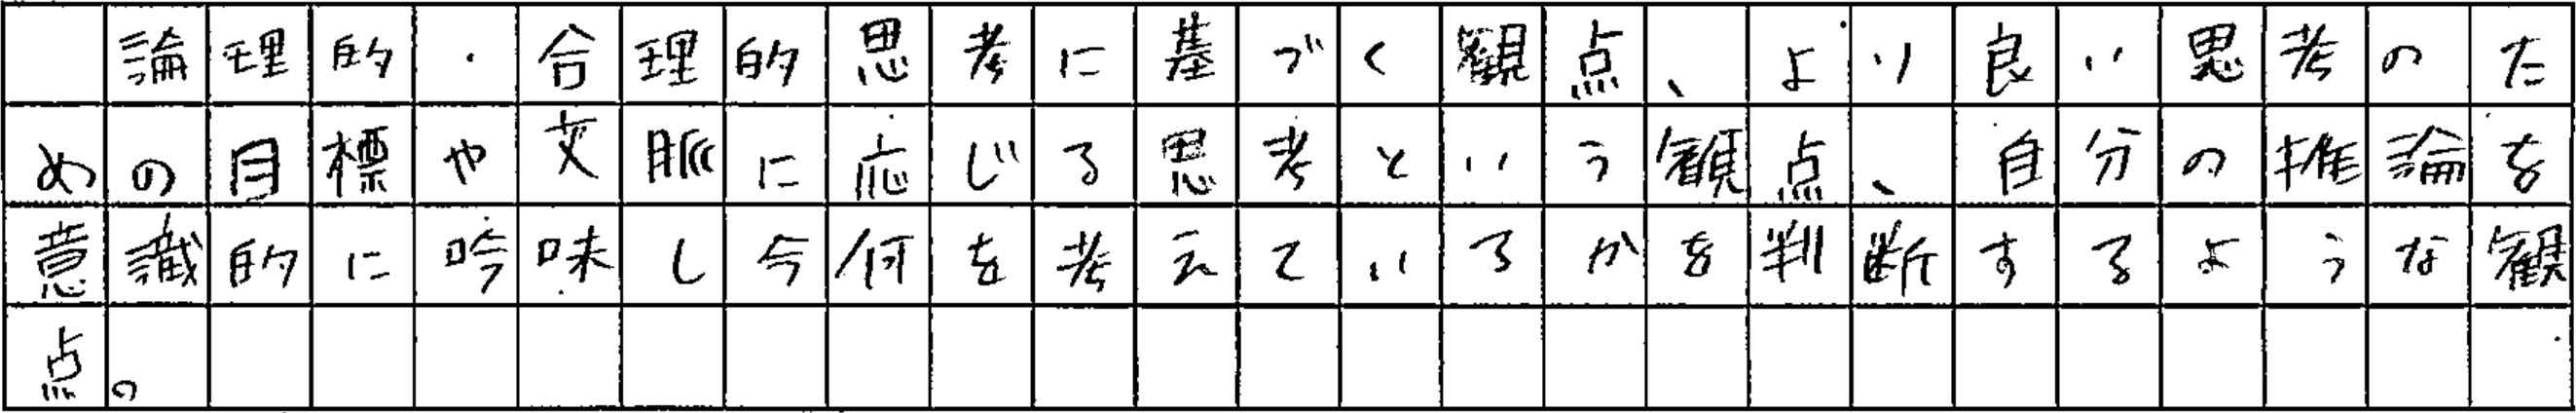　論理的・合理的思考に基づく観点、より良い思考のための目標や文脈に応じる思考という観点、自分の推論を意識的に吟味し今何を考えているかを判断するような観点。
